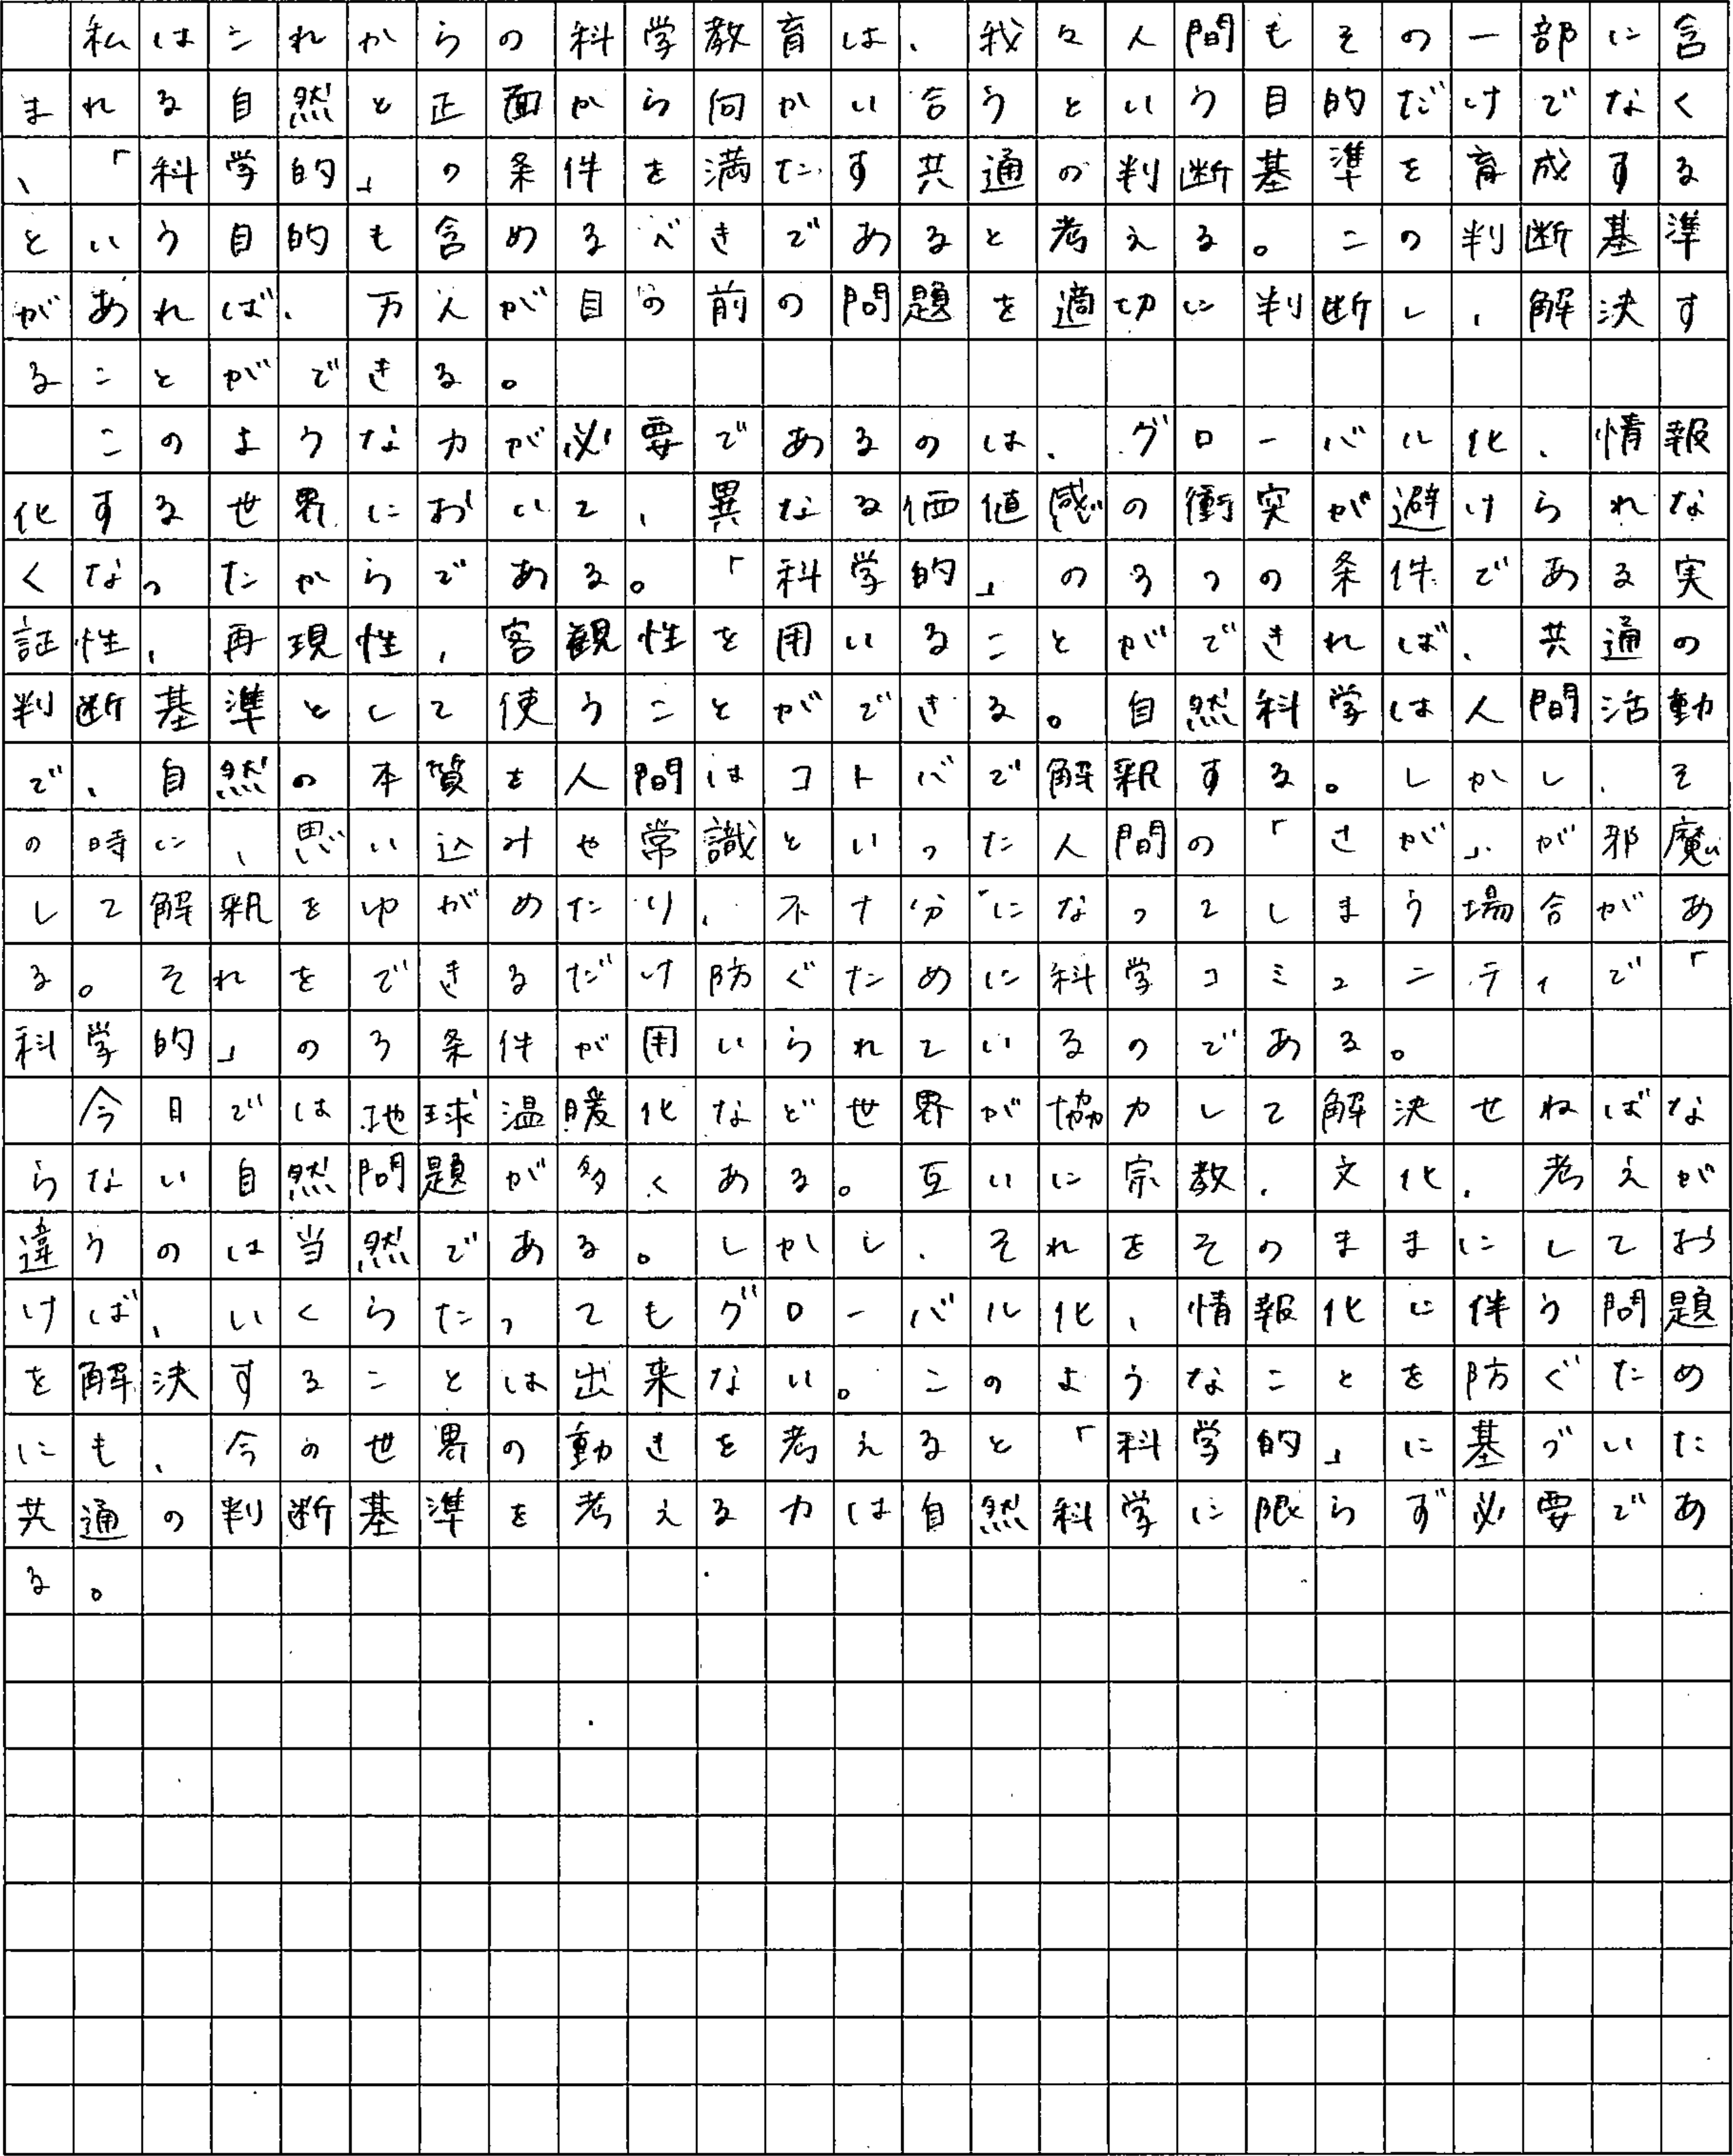　私はこれからの科学教育は、我々人間もその一部に含まれる自然と正面から向かい合うという目的だけでなく、「科学的」の条件を満たす共通の判断基準を育成するという目的も含めるべきであると考える。この判断基準があれば、万人が目の前の問題を適切に判断し、解決することができる。
　このような力が必要であるのは、グローバル化、情報化する世界において、異なる価値感の衝突が避けられなくなったからである。「科学的」の３つの条件である実証性、再現性、客観性を用いることができれば、共通の判断基準として使うことができる。自然科学は人間活動で、自然の本質を人間はコトバで解釈する。しかし、その時に、思い込みや常識といった人間の「さが」が邪魔して解釈をゆがめたり、不十分になってしまう場合がある。それをできるだけ防ぐために科学コミュニティで「科学的」の３条件が用いられているのである。
　今日では地球温暖化など世界が協力して解決せねばならない自然問題が多くある。互いに宗教、文化、考えが違うのは当然である。しかし、それをそのままにしておけば、いくらたってもグローバル化、情報化に伴う問題を解決することは出来ない。このようなことを防ぐためにも、今の世界の動きを考えると「科学的」に基づいた共通の判断基準を考える力は自然科学に限らず必要である。
